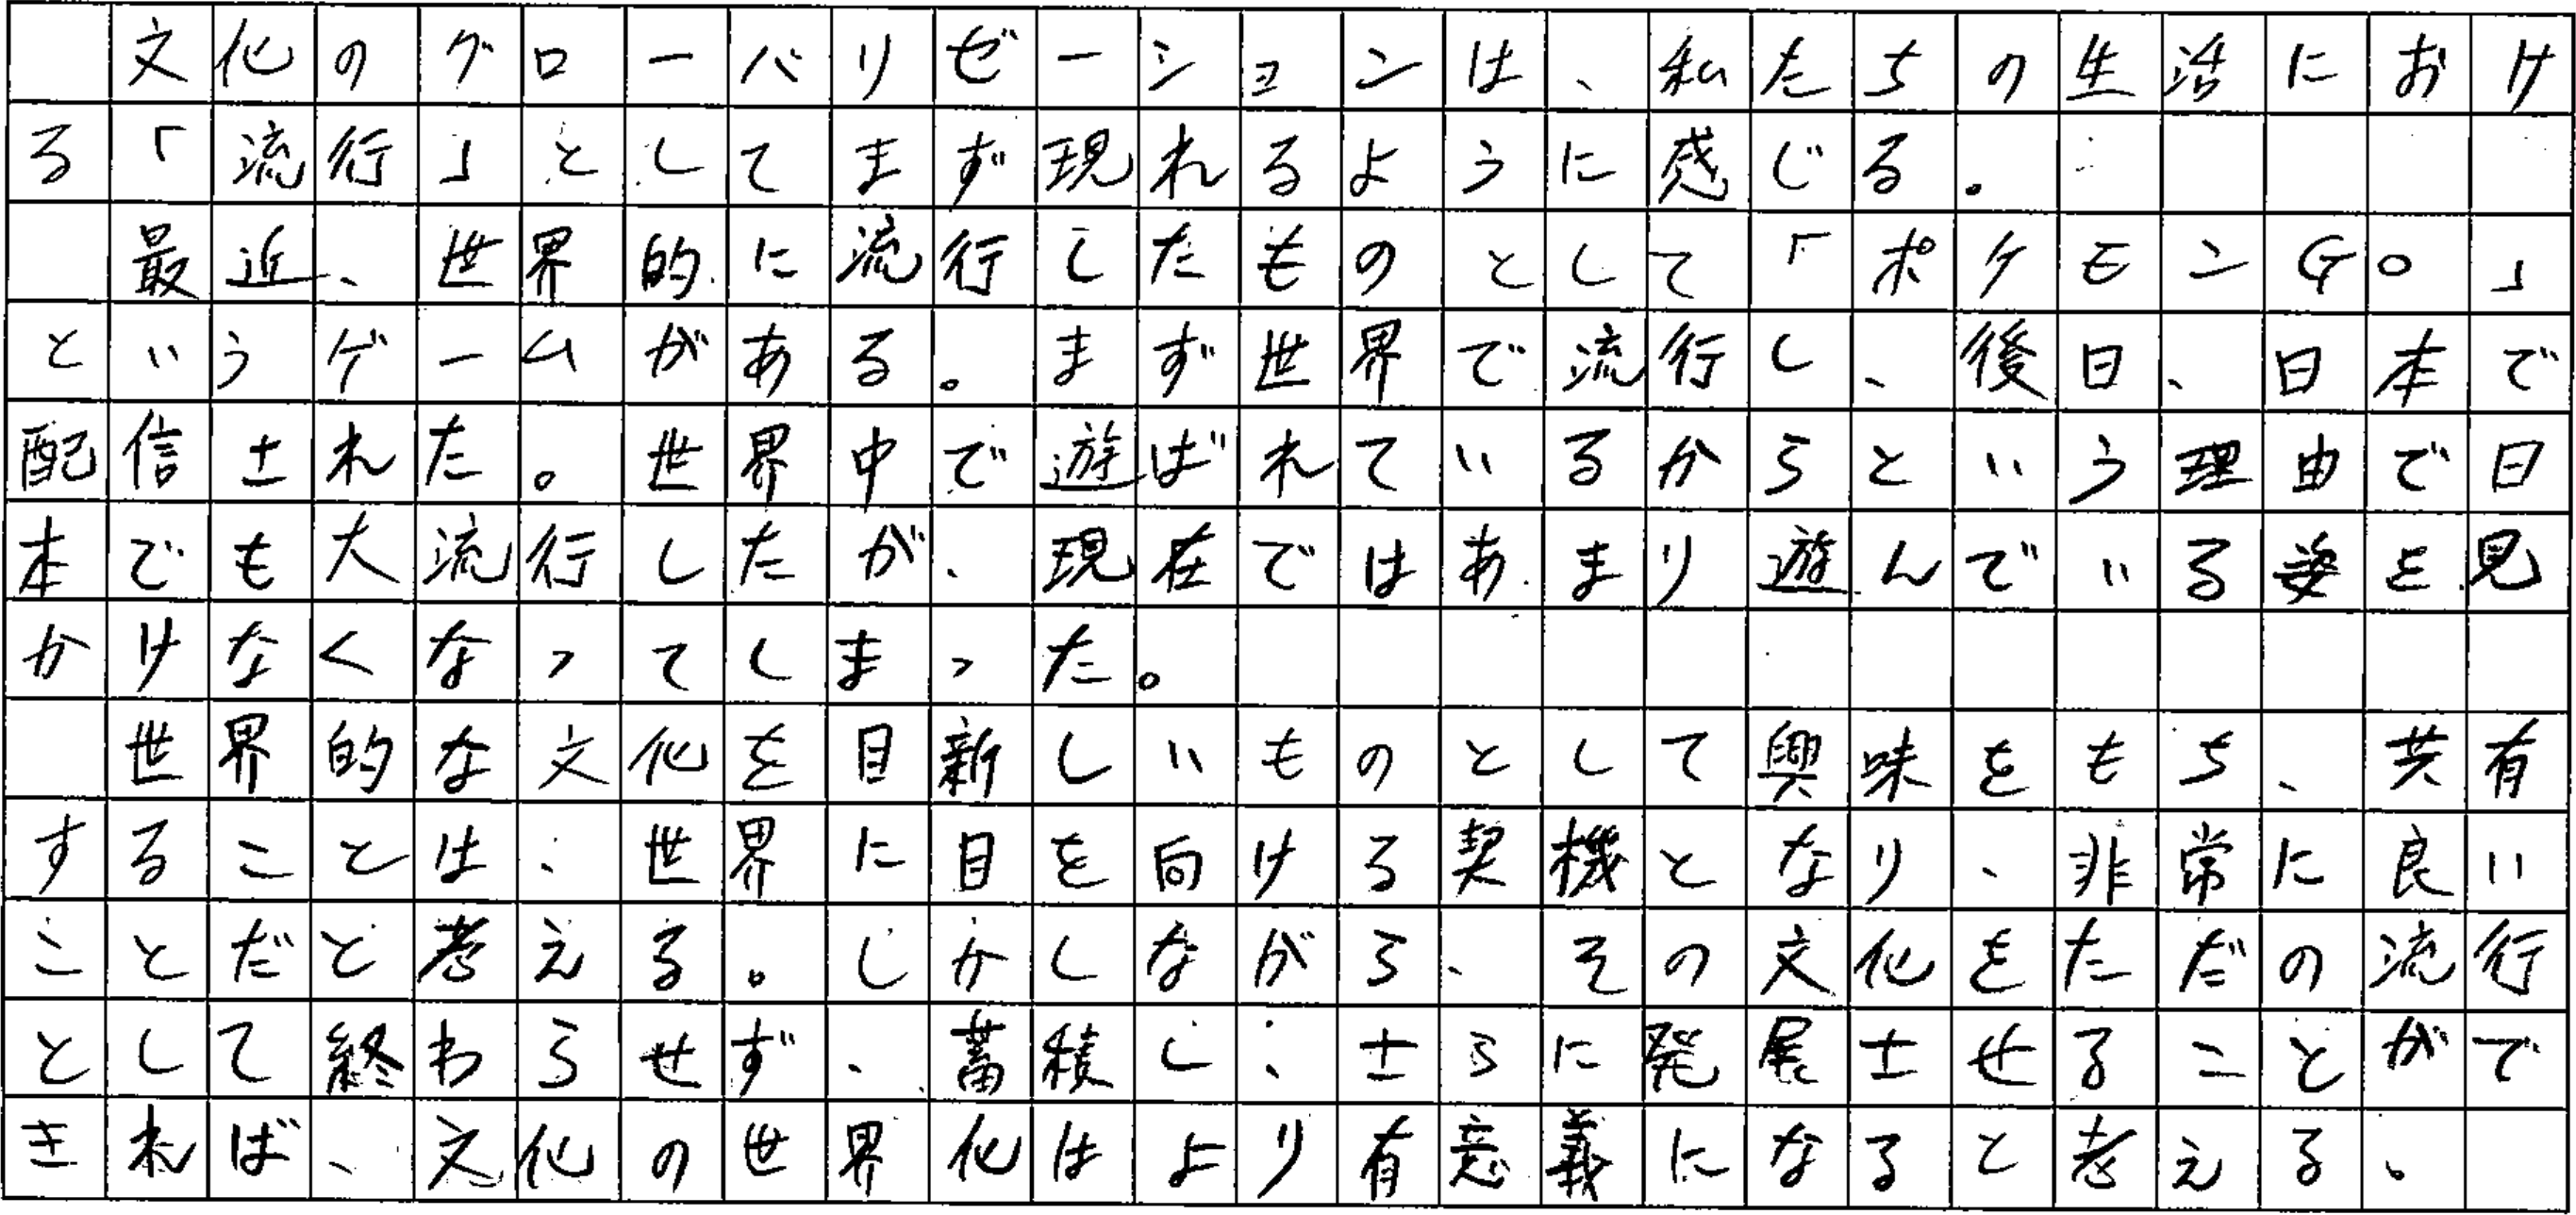　文化のグローバリゼーションは、私たちの生活における「流行」としてまず現れるように感じる。
　最近、世界的に流行したものとして「ポケモンＧｏ」というゲームがある。まず世界で流行し、後日、日本で配信された。世界中で遊ばれているからという理由で日本でも大流行したが、現在ではあまり遊んでいる姿を見かけなくなってしまった。
　世界的な文化を目新しいものとして興味をもち、共有することは、世界に目を向ける契機となり、非常に良いことだと考える。しかしながら、その文化をただの流行として終わらせず、蓄積し、さらに発展させることができれば、文化の世界化はより有意義になると考える。
